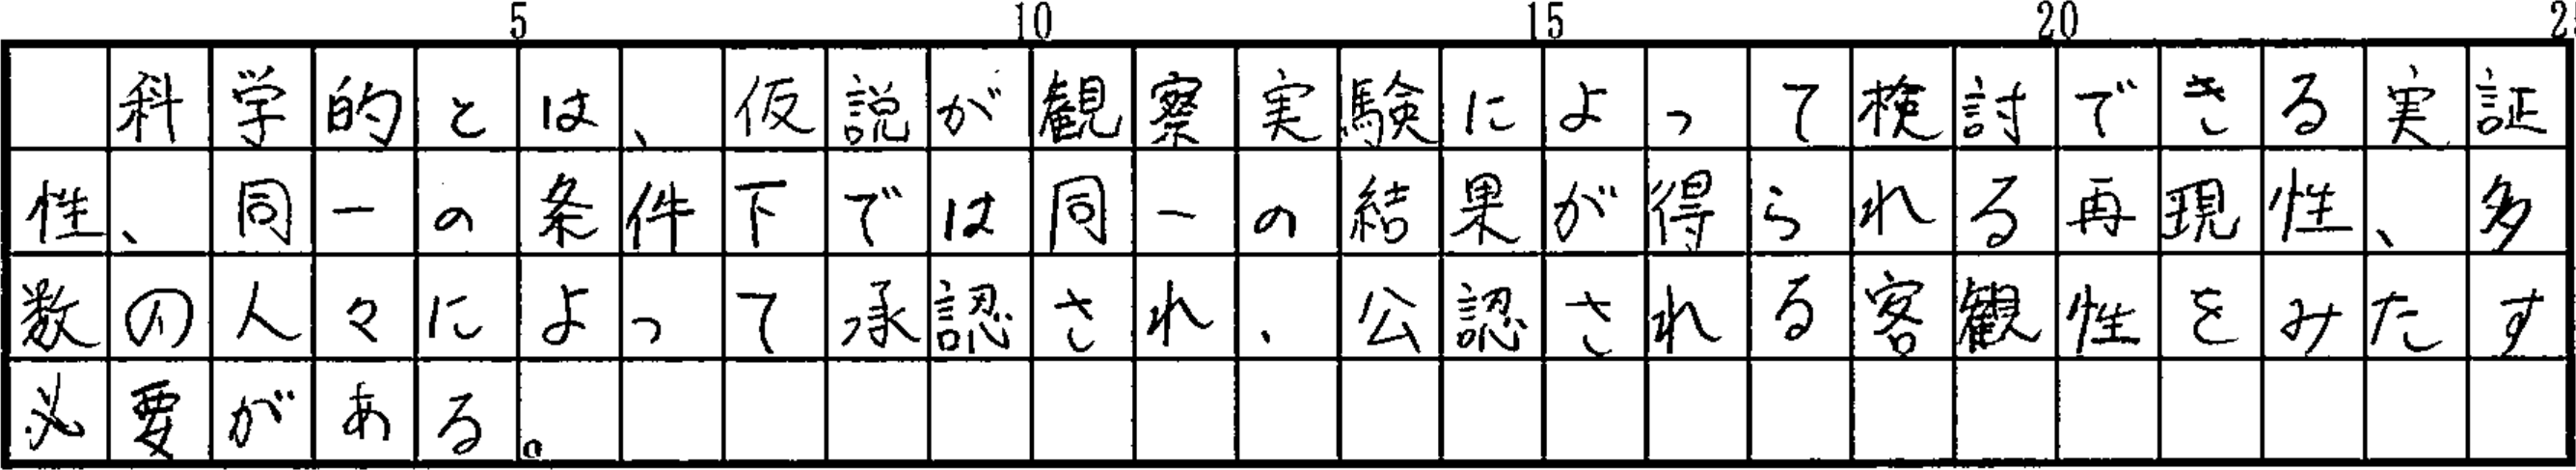　科学的とは、仮説が観察実験によって検討できる実証性、同一の条件下では同一の結果が得られる再現性、多数の人々によって承認され、公認される客観性をみたす必要がある。
